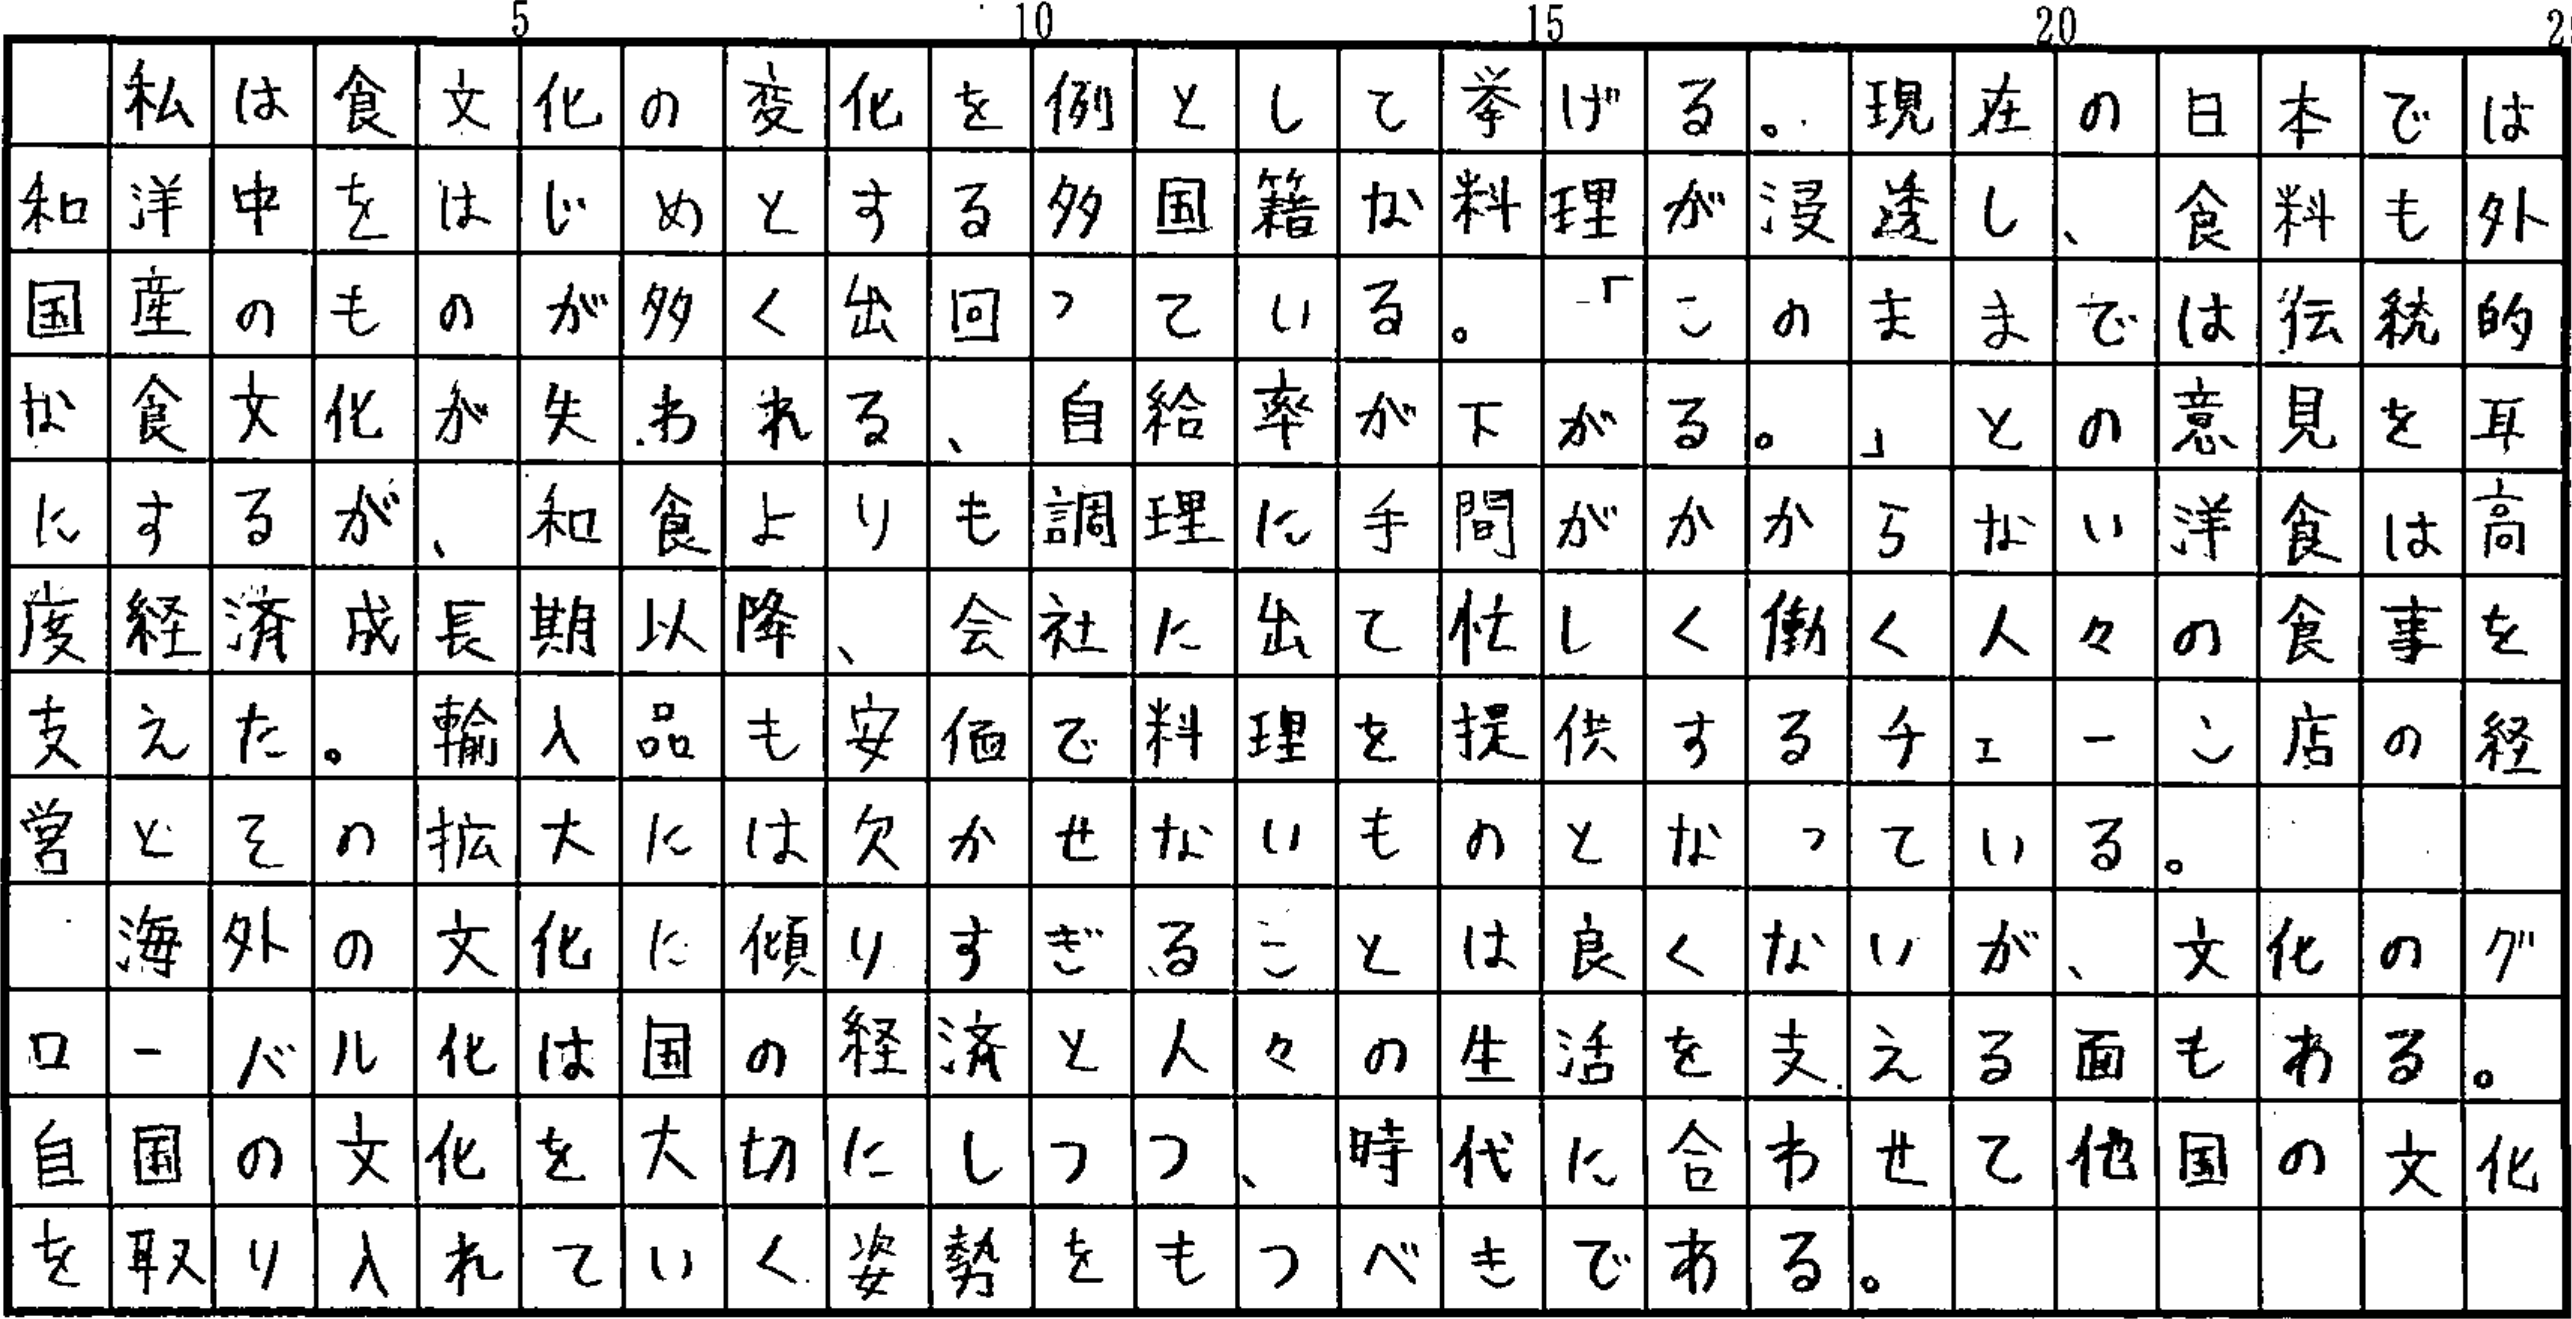　私は食文化の変化を例として挙げる。現在の日本では和洋中をはじめとする多国籍な料理が浸透し、食料も外国産のものが多く出回っている。「このままでは伝統的な食文化が失われる、自給率が下がる。」との意見を耳にするが、和食よりも調理に手間がかからない洋食は高度経済成長期以降、会社に出て忙しく働く人々の食事を支えた。輸入品も安価で料理を提供するチェーン店の経営とその拡大には欠かせないものとなっている。
　海外の文化に傾りすぎることは良くないが、文化のグローバル化は国の経済と人々の生活を支える面もある。自国の文化を大切にしつつ、時代に合わせて他国の文化を取り入れていく姿勢をもつべきである。
